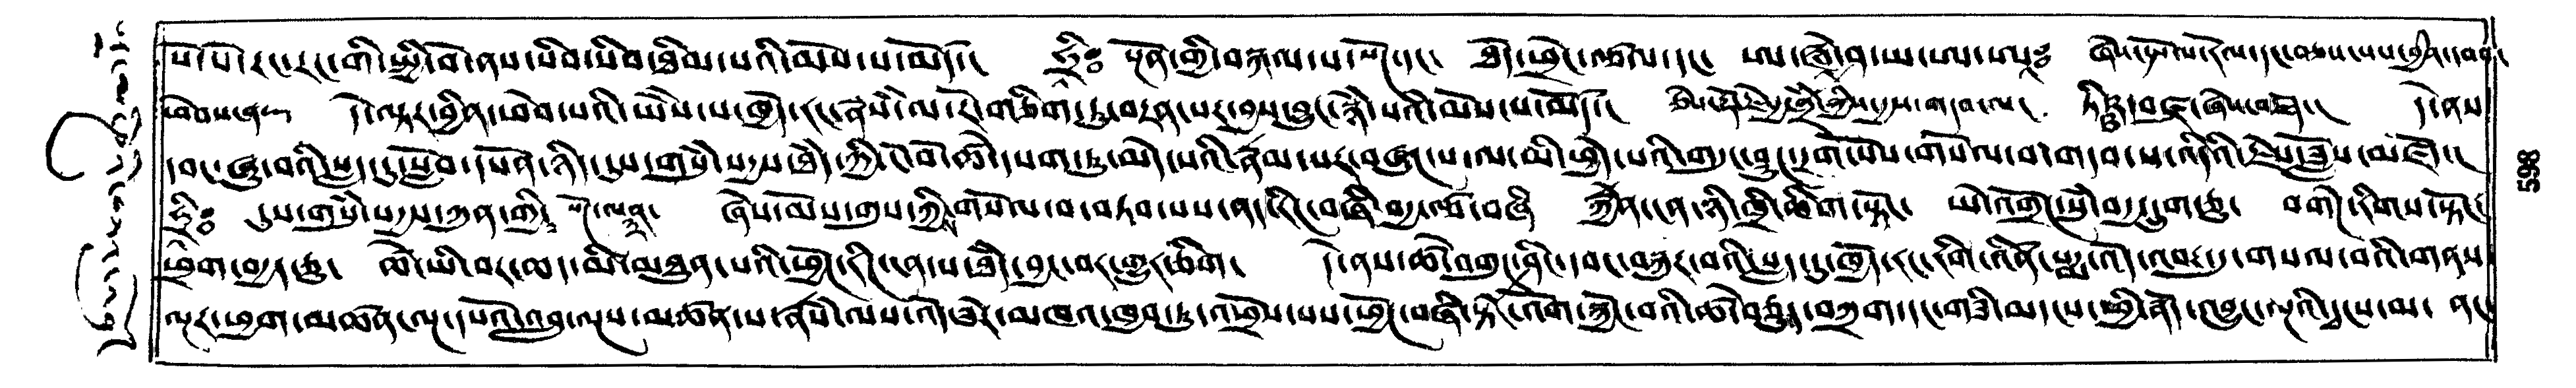སོ་སོ་རང་གི་སྤྱི་བོ་ནས་སིབ་སིབ་ཐིམ་པའི་མོས་པ་མཛོད། ཧྲཱིཿ སྔོན་གྱི་བསྐལ་པ་སོགས་དང་། ཐོད་ཕྲེང་རྩལ་དང་། ཨ་ཝཱེ་ཤ་ཡ་ཨ་ཨཱཿ ཞེས་སྤོལ་རོལ་དང་བཅས་པས་བྱིན་དབབ་
ཕེབས་ནས། དེ་ལྟར་བྱིན་ཕབ་པའི་ཡེ་ཤེས་པ་ཁྱེད་རང་རྣམས་ལ་རོ་གཅིག་ཏུ་བརྟན་པར་བྱས་བྱུང་སྙམ་པའི་མོས་པ་མཛོད། ཅེས་རྡོ་རྗེ་རྒྱ་གྲམ་གྱིས་རྒྱས་གདབ་ལ། ཏིཥྛ་བཛྲ་ཞེས་བརྗོད། དེ་ནས་
དབང་ཞུ་བའི་སླད་དུ་སློབ་དཔོན་ཉིད་དུས་གསུམ་སངས་རྒྱས་ཐམས་ཅད་ཀྱི་ངོ་བོ་ཚེ་དཔག་ཏུ་མེད་པའི་རྣམ་པར་བཞུགས་པ་ལ་མི་ཕྱེད་པའི་གདུང་ཤུགས་དྲག་པོས་གསོལ་བ་གདབ་པ་འདིའི་རྗེས་ཟློས་མཛོད། 
ཧྲཱི༔ དུས་གསུམ་སངས་རྒྱས་ཀུན་གྱི༴ སོགས་ལན་གསུམ། ཞེས་མོས་གུས་ཀྱིས་གསོལ་བ་བཏབ་པས་ནད་རིགས་བཞི་བརྒྱ་རྩ་བཞི། རྐྱེན་ངན་ཉི་ཁྲི་ཆིག་སྟོང་། ཡེ་འགྲོག་སུམ་བརྒྱ་དྲུག་ཅུ། བགེགས་རིགས་སྟོང་
པྲག་བརྒྱད་ཅུ། ཚེ་ཡི་བར་ཆད་མི་མཐུན་པའི་ཕྱོགས་རིགས་ངན་པ་ཐམས་ཅད་བྱང་བར་གྱུར་ཅིག དེ་ནས་ཚེ་འགུགས་ཤིང་དབང་བསྐུར་བའི་སླད་དུ་ཁྱོད་རང་རིག་འཛིན་པདྨ་འོད་འབར་དུ་གསལ་བའི་གནས་
ལྔར་ཕྱག་མཚན་ལྔ་དཔའ་བོ་འབྲུ་ལྔས་མཚན་པ་རྣམས་ལས་འོད་ཟེར་མཁའ་ཁྱབ་ཏུ་འཕྲོས་པས་ཕྱོགས་བཞི་སྟེང་འོག་སྐྱོང་བའི་ཚེ་བཅུད་བཀྲག་དང་གཟི་མདངས་ཕྱི་སྣོད་འབྱུང་ལྔའི་དྭངས་མ། ནང་